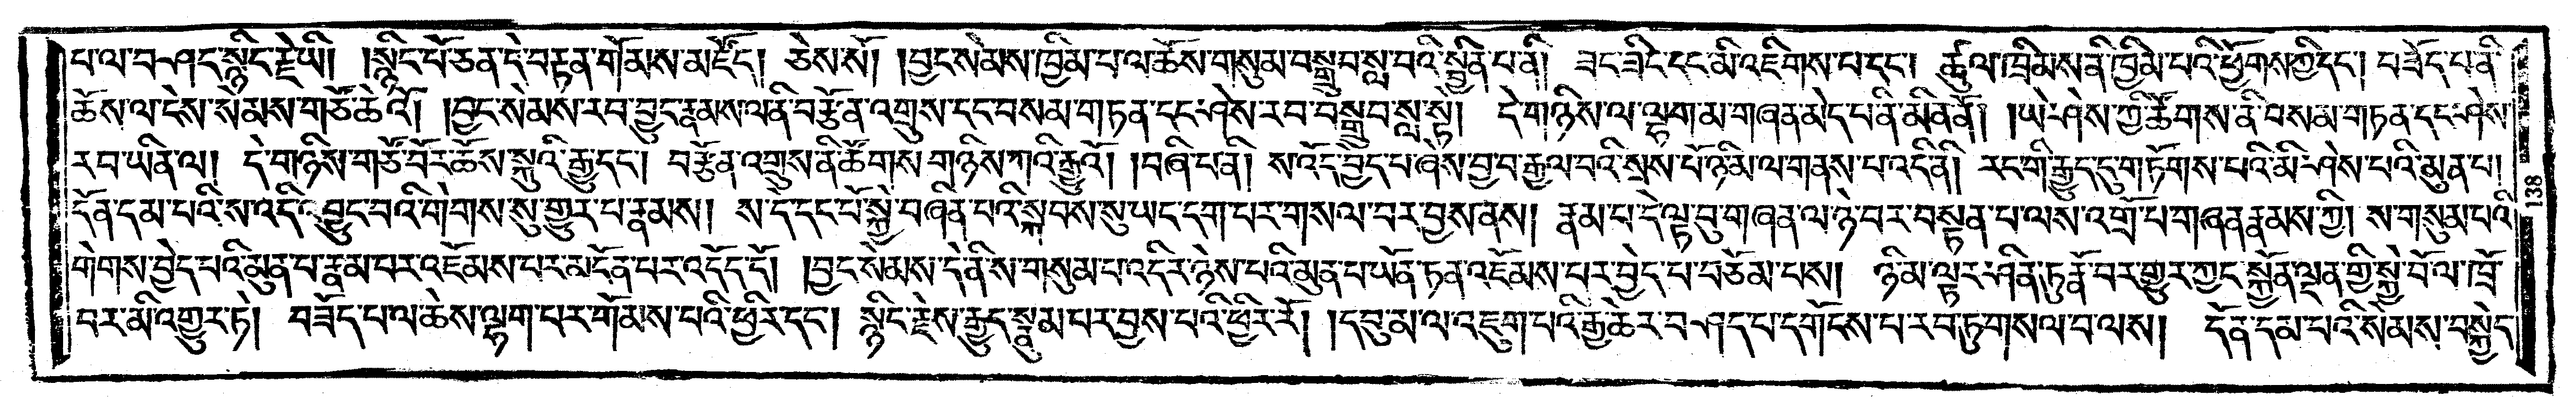པ་ལ་བཤད་སྙིང་རྗེ་ཡི། །སྙིང་པོ་ཅན་དེ་བརྟན་གོམས་མཛོད། །ཅེས་སོ། །བྱང་སེམས་ཁྱིམ་པ་ལ་ཆོས་གསུམ་བསྒྲུབ་སླ་བའི་སྦྱིན་པ་ནི། ཟང་ཟིང་དང་མི་འཇིགས་པ་དང་། ཚུལ་ཁྲིམས་ནི་ཁྱིམ་པའི་ཕྱོགས་ཀྱི་དང་། བཟོད་པ་ནི་
ཆོས་ལ་ངེས་སེམས་གཙོ་ཆེའོ། །བྱང་སེམས་རབ་བྱུང་རྣམས་ལ་ནི་བརྩོན་འགྲུས་དང་བསམ་གཏན་དང་ཤེས་རབ་བསྒྲུབ་སླ་སྟེ། དེ་གཉིས་ལ་ལྷག་མ་གཞན་མེད་པ་ནི་མིན་ནོ། །ཡེ་ཤེས་ཀྱི་ཚོགས་ནི་བསམ་གཏན་དང་ཤེས་
རབ་ཡིན་ལ། དེ་གཉིས་གཙོ་བོར་ཆོས་སྐུའི་རྒྱུ་དང་། བརྩོན་འགྲུས་ནི་ཚོགས་གཉིས་ཀའི་རྒྱུའོ། །བཞི་པ་ནི། ས་འོད་བྱེད་པ་ཞེས་བྱ་བ་རྒྱལ་བའི་སྲས་པོ་ཉི་མ་ལ་གནས་པ་འདི་ནི། རང་གི་རྒྱུད་དུ་གཏོགས་པའི་མི་ཤེས་པའི་མུན་པ།
དོན་དམ་པའི་ས་འདི་འབྱུང་བའི་གེགས་སུ་གྱུར་པ་རྣམས། ས་དེ་དང་པོ་སྐྱེ་བཞིན་པའི་སྐབས་སུ་ཡང་དག་པར་གསལ་བར་བྱས་ནས། རྣམ་པ་དེ་ལྟ་བུ་གཞན་ལ་ཉེ་བར་བསྟན་པ་ལས་འགྲོ་བ་གཞན་རྣམས་ཀྱི། ས་གསུམ་པའི་
གེགས་བྱེད་པའི་མུན་པ་རྣམ་པར་འཇོམས་པར་མངོན་པར་འདོད་དོ། །བྱང་སེམས་དེ་ནི་ས་གསུམ་པ་འདིར་ཉེས་པའི་མུན་པ་ཡོན་ཏན་འཇོམས་པར་བྱེད་པ་བཅོམ་པས། ཉི་མ་ལྟར་ཤིན་ཏུ་རྣོ་བར་གྱུར་ཀྱང་སྐྱོན་ལྡན་གྱི་སྐྱེ་བོ་ལ་ཁྲོ་
བར་མི་འགྱུར་ཏེ། བཟོད་པ་ལ་ཆེས་ལྷག་པར་གོམས་པའི་ཕྱིར་དང་། སྙིང་རྗེས་རྒྱུད་སྣུམ་པར་བྱས་པའི་ཕྱིར་རོ། །དབུ་མ་ལ་འཇུག་པའི་རྒྱ་ཆེར་བཤད་པ་དགོངས་པ་རབ་ཏུ་གསལ་བ་ལས། དོན་དམ་པའི་སེམས་བསྐྱེད་